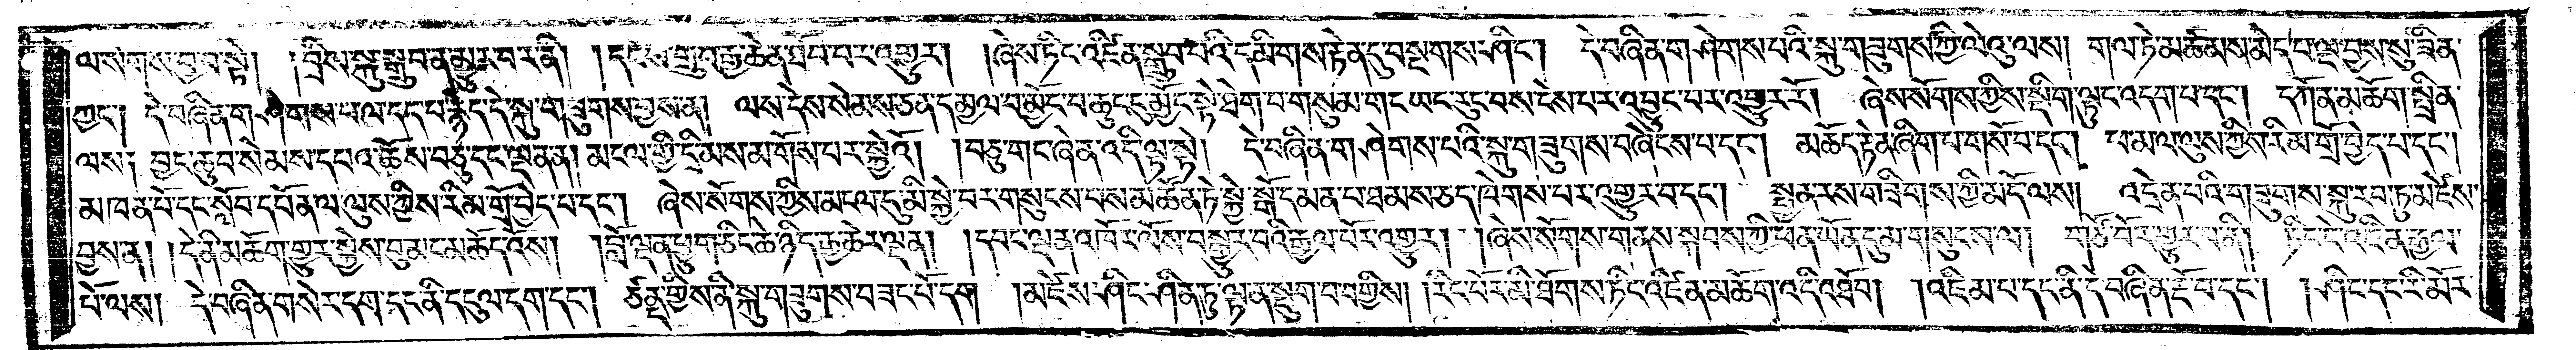ལ་སོགས་བྱ་བ་སྟེ། །བྲིས་སྐུ་སྒྲུབ་ན་མྱུར་བར་ནི། །དངོས་གྲུབ་རྒྱ་ཆེན་ཐོབ་པར་འགྱུར། །ཞེས་ཏིང་འཛིན་སྒྲུབ་པའི་དམིགས་རྟེན་དུ་བསྔགས་ཤིང་། དེ་བཞིན་གཤེགས་པའི་སྐུ་གཟུགས་ཀྱི་ལེའུ་ལས། གལ་ཏེ་མཚམས་མེད་པ་ལྔ་བྱས་སུ་ཟིན་
ཀྱང་། དེ་བཞིན་གཤེགས་པ་ལ་དད་བ་རྙེད་དེ་སྐུ་གཟུགས་བྱས་ན། ལས་དེས་སེམས་ཅན་དམྱལ་བ་མྱོང་བ་ཆུང་ངུ་མྱོང་སྟེ་ཐེག་པ་གསུམ་གང་ཡང་རུང་བས་ངེས་པར་འབྱུང་བར་འགྱུར་རོ། ཞེས་སོགས་ཀྱིས་སྡིག་ལྟུང་འདག་པ་དང་། དཀོན་མཆོག་སྤྲིན་
ལས༑ བྱང་ཆུབ་སེམས་དཔའ་ཆོས་བཅུ་དང་ལྡན་ན། མངལ་གྱི་དྲི་མས་མགོས་པར་སྐྱེའོ། །བཅུ་གང་ཞེན་འདི་ལྟ་སྟེ། དེ་བཞིན་གཤེགས་པའི་སྐུ་གཟུགས་བཞེངས་པ་དང་། མཆོད་རྟེན་ཞིག་པ་གསོ་བ་དང་། ཕ་མ་ལ་ལུས་ཀྱིས་རིམ་གྲོ་བྱེད་པ་དང་།
མཁན་པོ་དང་སློབ་དཔོན་ལ་ལུས་ཀྱིས་རིམ་གྲོ་བྱེད་པ་དང་། ཞེས་སོགས་ཀྱིས་མངལ་དུ་མི་སྐྱེ་བར་གསུངས་པས་མཚོན་ཏེ་སྐྱེ་སྒོ་དམན་པ་ཐམས་ཅད་ཁེགས་པར་འགྱུར་བ་དང་། སྤྱན་རས་གཟིགས་ཀྱི་མདོ་ལས། འདྲེན་བའི་གཟུགས་སྐུ་རབ་ཏུ་མཛེས་
བྱས་ན། །དེ་ནི་མཆོག་གྱུར་སྐྱེས་བུ་མང་མཆོད་འོས། །བློ་ལྡན་ཕྱུག་ཅིང་ཆེ་ཉིད་རྒྱ་ཆེར་ལྡན། །དབང་ལྡན་འཁོར་ལོས་བསྒྱུར་བའི་རྒྱལ་པོར་འགྱུར། །ཞེས་སོགས་གནས་སྐབས་ཀྱི་ཕན་ཡོན་དུ་མ་གསུངས་ལ། གཙོ་བོར་གྱུར་བ་ནི། ཏིང་ངེ་འཛིན་རྒྱལ་
པོ་ལས། དེ་བཞིན་གསེར་དག་དང་ནི་དངུལ་དག་དང་། ཙནྡ་གྱིས་ནི་སྐུ་གཟུགས་བཟང་པོ་དག །མཛེས་ཤིང་ཤིན་ཏུ་ལྟ་ན་སྡུག་པ་བགྱིས། །རིང་པོར་མི་ཐོགས་ཏིང་འཛིན་མཆོག་འདི་འཐོབ། །འཇིམ་པ་དང་ནི་དེ་བཞིན་རྔོ་བ་དང་། །ཤིང་དང་རི་མོར་